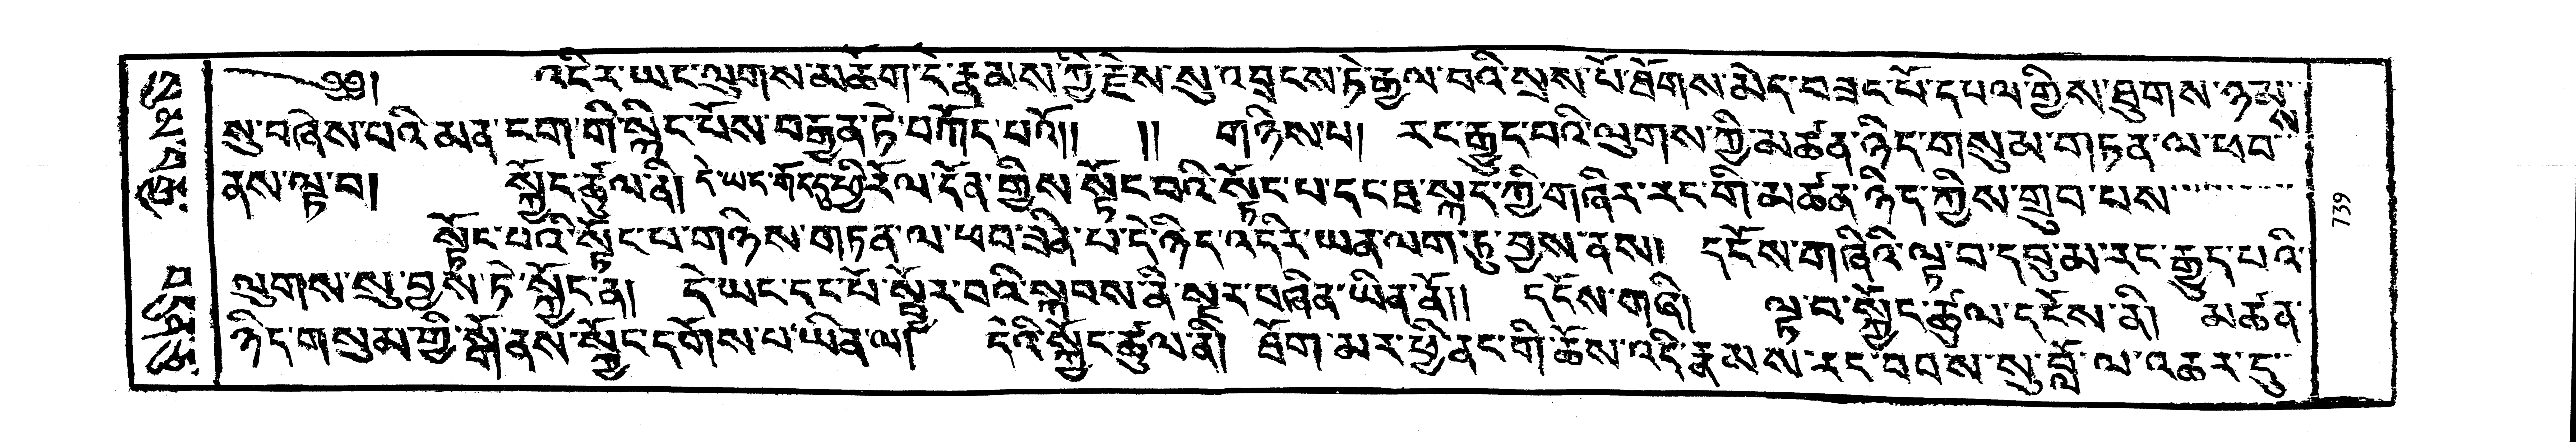༄༅། །འདིར་ཡང་ལུགས་མཆོག་དེ་རྣམས་ཀྱི་རྗེས་སུ་འབྲངས་ཏེ་རྒྱལ་བའི་སྲས་པོ་ཐོགས་མེད་བཟང་པོ་དཔལ་གྱིས་ཐུགས་ཉམས་
སུ་བཞེས་པའི་མན་ངག་གི་སྙིང་པོས་བརྒྱན་ཏེ་བཀོད་པའོ།། །།གཉིས་པ། རང་རྒྱུད་པའི་ལུགས་ཀྱི་མཚན་ཉིད་གསུམ་གཏན་ལ་ཕབ་
ནས་ལྟ་བ། སྐྱོང་ཚུལ་ནི། དེ་ཡང་གོང་དུ་ཕྱི་རོལ་དོན་གྱིས་སྟོང་བའི་སྟོང་པ་དང་ཐ་སྙད་ཀྱི་གཞིར་རང་གི་མཚན་ཉིད་ཀྱིས་གྲུབ་པས་
སྟོང་པའི་སྟོང་པ་གཉིས་གཏན་ལ་ཕབ་ཟིན་པ་དེ་ཉིད་འདིར་ཡན་ལག་ཏུ་བྱས་ནས། དངོས་གཞིའི་ལྟ་བ་དབུ་མ་རང་རྒྱུད་པའི་
ལུགས་སུ་བྱས་ཏེ་སྐྱོང་ན། དེ་ཡང་དང་པོ་སྦྱོར་བའི་སྐབས་ནི་སྔར་བཞིན་ཡིན་ནོ།། དངོས་གཞི། ལྟ་བ་སྐྱོང་ཚུལ་དངོས་ནི། མཚན་
ཉིད་གསུམ་གྱི་སྒོ་ནས་སྐྱོང་དགོས་པ་ཡིན་ལ། དེའི་སྐྱོང་ཚུལ་ནི། ཐོག་མར་ཕྱི་ནང་གི་ཆོས་འདི་རྣམས་རང་བབས་སུ་བློ་ལ་འཆར་དུ་